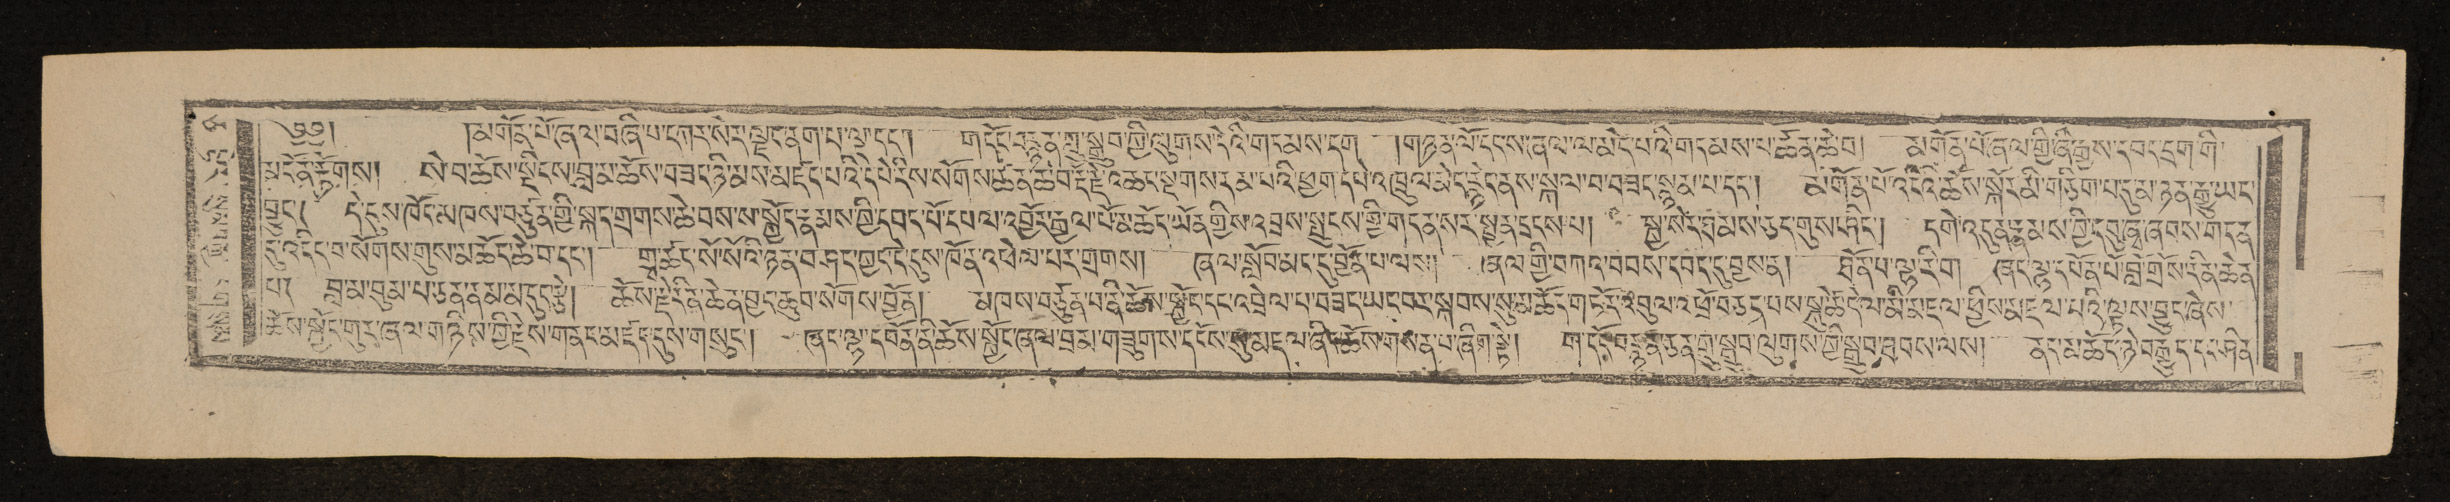༄༅། །མགོན་པོ་ཞལ་བཞི་པ་དཀར་སེར་ལྗང་ནག་པ་ལྔ་དང་། གདོང་བརྙན་ཀླུ་སྒྲུབ་ཀྱི་ལུགས་དེའི་གདམས་ངག །གཉན་ལོ་དངས་ཞལ་ལ་མེད་པའི་གདམས་པ་ཚན་ཆེ་བ། མགོན་པོ་ཞལ་གྱི་ཞི་རྒྱས་དབང་དྲག་གི་
མངོན་རྟེགས། སེ་བ་ཆོས་སྡིངས་བླ་མ་ཆོས་བཟང་ཉི་མས་མཛད་པའི་དཔེ་རིས་སོགས་ཚན་ཆེ་བ་རྡོ་རྗེ་འཆང་སྔགས་རམ་པའི་ཕྱག་དཔེ་འཁྲུལ་མེད་རྙེད་ནས་སྐལ་བ་བཟང་སྙམ་པ་དང་། མགོན་པོ་འདིའི་ཆོས་སྐོར་མི་གཅིག་པ་རུ་མཉན་རྒྱུ་ཡང་
བྱུང༑ དེ་དུས་ཁོང་མཁས་བཙུན་གྱི་སྐད་གྲགས་ཆེ་བས་ས་སྐྱོང་རྣམས་ཀྱི་དབང་པོ་དཔལ་འབྱོར་རྒྱལ་པོ་མཆོད་ཡོན་གྱིས་འབྲས་སྤུངས་ཀྱི་གདན་སར་སྤྱན་དྲངས་པ། སྐྱ་སེར་ཐམས་ཅད་གུས་ཤིང་། དགེ་འདུན་རྣམས་ཀྱི་དབུ་ཞྭ་ཞབས་གདན་
དུ་འདིང་བ་སོགས་གུས་མཆོད་ཆེ་བ་དང་། གྲྭ་ཚང་སོ་སོའི་ཉན་བཤད་ཀྱང་དེ་དུས་ཁོ་ན་འཕེལ་པར་གྲགས། ཞལ་སློབ་མང་དུ་བྱོན་པ་ལས། ཞལ་གྱི་བཀའ་བབས་དབང་དུ་བྱས་ན། ཐོན་པ་ལྷ་རི་བ། ཞང་ལྷ་དཔོན་པོ་བློ་གྲོས་རིན་ཆེན་
བ༑ བླ་མ་བུམ་པ་ཅན་ནམ་མདུད་རྩེ། ཆོས་རྗེ་རིན་ཆེན་བྱང་ཆུབ་སོགས་བྱོན། མཁས་བཙུན་པ་ནི་ཆོས་སྐྱོང་དང་འབྲེལ་པ་བཟང་ཡང་བར་སྐབས་སུ་མཆོད་གཏོར་འབུལ་འཕྲོ་བཅད་པས་སྐུ་ཚེ་དེ་ལ་མི་མཇལ་ཕྱིས་མཇལ་པའི་ལྟས་བྱུང་ཞེས་
ཆོས་སྐྱོང་གུར་ཞལ་གཉིས་ཀྱི་རྗེས་གནང་མཛད་དུས་གསུང་། ཞང་ལྷ་དཔོན་ནི་ཆོས་སྐྱོང་ཞལ་བྲམ་གཟུགས་དངོས་སུ་མཇལ་ཞིང་ཆོས་གསན་པ་ཞིག་སྟེ། གདོང་བརྙན་ཅན་ཀླུ་སྒྲུབ་ལུགས་ཀྱི་སྒྲུབ་ཐབས་ལས། ནང་མཆོད་ཉེ་བརྒྱུད་དང་ཤིན་